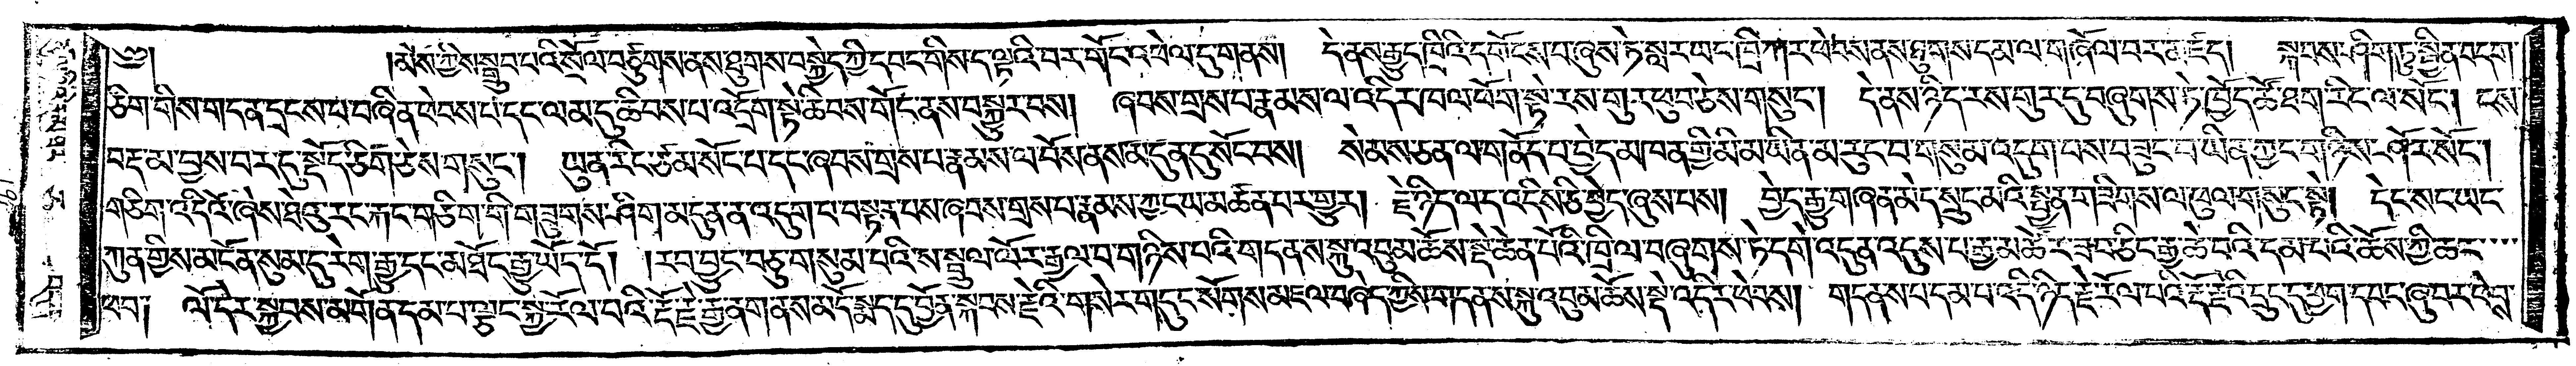༄༅། །མོས་ཀྱིས་སྒྲུབ་པའི་སྲོལ་བཅུགས་ནས་ཐུགས་བསྐྱེད་ཀྱི་དབང་གིས་ད་ལྟའི་བར་གོང་འཕེལ་དུ་གནས། དེ་ནས་རྒྱུད་ཁྲིའི་དགོངས་པ་ཞུས་ཏེ་སླར་ཡང་ཁྲི་ཀར་ཕེབས་ནས་ཐུགས་དམ་ལ་གཞོལ་བར་མཛད། སྐབས་ཤིག་ཏུ་སྦྱིན་བདག་
ཅིག་གིས་གདན་དྲངས་པ་བཞིན་ཕེབས་པ་དང་ལམ་དུ་ཆིབས་པ་འདྲོག་སྟེ་ཆིབས་གོང་ནས་བསྐྱུར་བས། ཞབས་གྲས་པ་རྣམས་ལ་འདིར་ཁལ་ཕོག་སྟེ་རས་གུར་ཕུབ་ཅེས་གསུང་། དེ་ནས་ཉིད་རས་གུར་དུ་བཞུགས་ཏེ་ཁྱེད་ཚོ་ཐག་རིང་ལ་སོང་། ངས་
བརྡ་མ་བྱས་བར་དུ་སྡོད་ཅིག་ཅེས་གསུང་། ཡུན་རིང་ཙམ་སོང་པ་དང་ཞབས་གྲས་པ་རྣམས་ལ་བོས་ནས་མདུན་དུ་སོང་བས། སེམས་ཅན་ལ་གནོད་པ་བྱེད་མཁན་གྱི་མི་མ་ཡིན་མ་རུང་བ་གསུམ་འདུག་པས་བཟུང་བ་ཡིན་ཀྱང་གཉིས་ཤོར་སོང་།
གཅིག་འདིའོ་ཞེས་ཐེའུ་རང་རྐང་གཅིག་གི་གཟུགས་ཤིག་མདུན་ན་འདུག་པ་བསྟན་པས་ཞབས་གྲས་པ་རྣམས་ཀྱང་ཡ་མཚན་པར་གྱུར། རྗེ་ཉིད་ལད་འདིས་ཅི་བྱེད་ཞུས་པས། བྱེད་རྒྱུ་གཞན་མེད་སྲུང་མའི་སྤྱན་གཟིགས་ལ་ཕུལ་གསུང་སྟེ། དེང་སང་ཡང་
ཀུན་གྱིས་མངོན་སུམ་དུ་རེག་རྒྱུ་དང་མཐོང་རྒྱུ་ཡོད་དོ། །རབ་བྱུང་བཅུ་གསུམ་པའི་ས་སྤྲུལ་ལོར་རྒྱལ་བ་གཉིས་པའི་གདན་ས་སྐུ་འབུམ་ཆོས་སྡེ་ཆེན་པོའི་ཁྲི་ལ་བཞུགས་ཏེ་དགེ་འདུན་འདུས་པ་རྒྱ་མཚོར་ཟབ་ཅིང་རྒྱ་ཆེ་བའི་དམ་པའི་ཆོས་ཀྱི་ཆར་
ཕབ༑ ལོ་དེར་སྐྱབས་མགོན་དམ་པ་ལྕང་སྐྱ་རོལ་པའི་རྡོ་རྗེ་རྒྱ་ནག་ནས་མདོ་སྨད་དུ་བྱོན་སྐབས་རྗེའི་གསེར་གདུང་སོགས་མཇལ་བཞེད་ཀྱིས་གདན་ས་སྐུ་འབུམ་ཆོས་སྡེ་འདིར་ཕེབས། གདན་ས་པ་དམ་བ་འདི་ཉིད་རྗེ་རོལ་པའི་རྡོ་རྗེའི་དྲུང་དུ་ཕྱག་དབང་ཞུ་བར་ཕེབས་